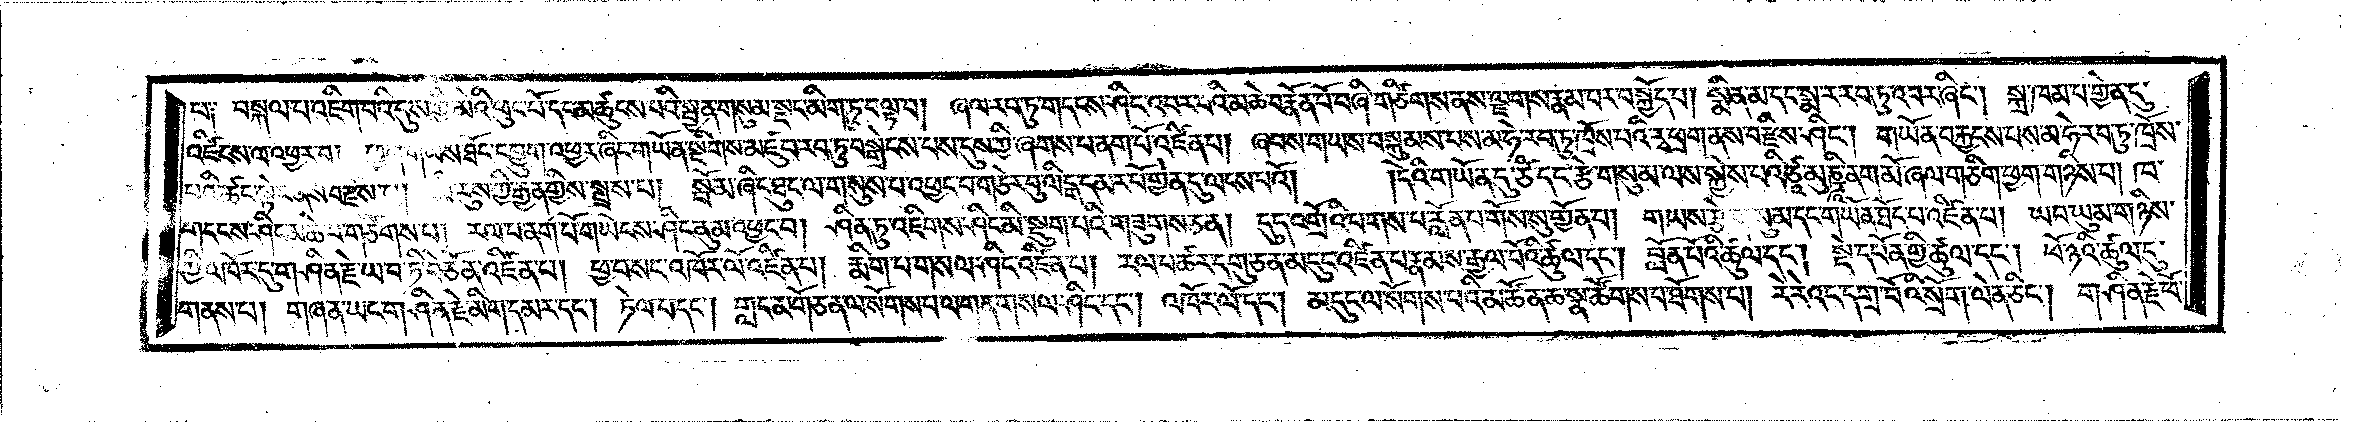པ༑ བསྐལ་པ་འཇིག་པའི་དུས་ཀྱི་མེའི་ཕུང་པོ་དང་མཚུངས་པའི་སྤྱན་གསུམ་སྡང་མིག་ཏུ་བལྟ་བ། ཞལ་རབ་ཏུ་གདངས་ཤིང་འབར་བའི་མཆེ་བ་རྣོན་པོ་བཞི་གཙིགས་ནས་ལྗགས་རྣམ་པར་བསྐྱོད་པ། སྨིན་མ་དང་སྨར་རབ་ཏུ་འབར་ཞིང་། སྐྲ་ཁམ་པ་གྱེན་དུ་འཛིངས་ལ་འཕྱར་བ། ཕྱག་གཡས་ཐོང་དབྱུག་འཕྱར་ཞིང་གཡོང་སྡིགས་མཛུབ་རབ་ཏུ་བསྒྲེངས་པས་དུས་ཀྱི་ཞགས་པ་ནག་པོ་འཛིན་པ། ཞབས་གཡས་བསྐུམས་པས་མ་ཧེ་རབ་ཏུ་ཁྲོས་པའི་རྭ་ཕྲག་ནས་བརྫིས་ཤིང་། གཡོན་བརྐྱངས་པས་མ་ཧེ་རབ་ཏུ་ཁྲོས་
པའི་ཚང་སྟེང་ནས་བརྫིས་པ་མི་རུས་ཀྱི་རྒྱན་གྱིས་སྤྲས་པ། སྦོམ་ཞིང་ཐུང་ལ་གསུས་པ་འཕྱང་བ་གཅེར་བུའི་ལིངྒ་དམར་པོ་གྱེན་དུ་ལངས་པའོ། །དེའི་གཡོན་དུ་རྩེ་དང་རྩེ་གསུམ་ལས་སྐྱེས་པའི་ཙཱ་མུཎྜཱི་ནག་མོ་ཞལ་གཅིག་ཕྱག་གཉིས་པ། ཁ་
གདངས་པའི་ངམ་ཆེ་བ་གཙིགས་པ། རལ་པ་ནག་པོ་གཡེངས་ཤིང་ནུ་མ་འཕྱང་བ། ཤིན་ཏུ་འཇིགས་ཤིང་མི་སྡུག་པའི་གཟུགས་ཅན། དུད་འགྲོའི་པགས་པ་རློན་པ་གོས་སུ་གྱོན་པ། གཡས་རྩེ་གསུམ་དང་གཡོན་ཐོང་པ་འཛིན་པ། ཡབ་ཡུམ་གཉིས་
ཀྱི་འཁོར་དུ་གཤིན་རྗེ་ཡབ་ཏི་བེ་ཅོན་འཛིན་པ། ཕྱ་བསང་འཁོར་ལོ་འཛིན་པ། རྨིག་པ་གསལ་ཤིང་འཛིན་པ། རལ་བ་ཚར་དགུ་ཅན་མདུང་འཛིན་པ་རྣམས་རྒྱལ་པོའི་ཚུལ་དང་། བློན་པོའི་ཚུལ་དང་། སྡེ་དཔོན་གྱི་ཚུལ་དང་། ཕོ་ཉའི་ཚུལ་དུ་
གནས་པ། གཞན་ཡང་གཤིན་རྗེ་མིག་དམར་དང་། ཏེལ་པ་དང་། གླང་མགོ་ཅན་ལ་སོགས་པ་ལག་ན་གསལ་ཤིང་དང་། འཁོར་ལོ་དང་། མདུང་ལས་སོགས་པའི་མཚོན་ཆ་སྣ་ཚོགས་པ་ཐོགས་པ། རེ་རེའང་དགྲ་བོའི་སྲོག་ལེན་ཅིང་། གཤིན་རྗེ་ཕོ་